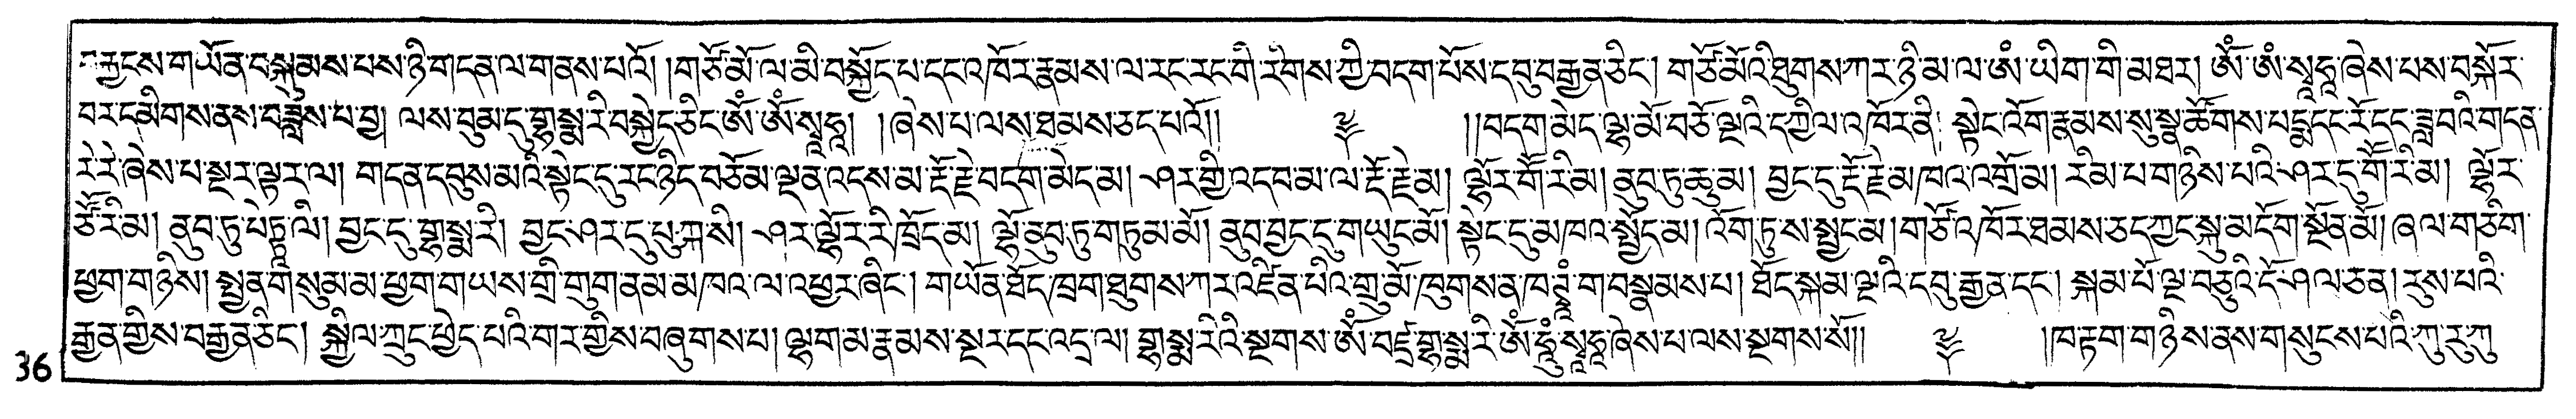བརྐྱངས་གཡོན་བསྐུམས་པས་ཉི་གདན་ལ་གནས་པའོ། །གཙོ་མོ་ལ་མི་བསྐྱོད་པ་དང་འཁོར་རྣམས་ལ་རང་རང་གི་རིགས་ཀྱི་བདག་པོས་དབུ་བརྒྱན་ཅིང་། གཙོ་མོའི་ཐུགས་ཀར་ཉི་མ་ལ་ཨཾ་ཡིག་གི་མཐར། ཨོཾ་ཨཾ་སྭཱཧཱ་ཞེས་པས་བསྐོར་
བར་དམིགས་ནས་བཟླས་པ་བྱ། ལས་བུམ་དུ་གྷསྨ་རི་བསྐྱེད་ཅིང་ཨོཾ་ཨོཾ་སྭཱཧཱ། །ཞེས་པ་ལས་ཐམས་ཅད་པའོ།། ༈ །།བདག་མེད་ལྷ་མོ་བཅོ་ལྔའི་དཀྱིལ་འཁོར་ནི། སྟེང་འོག་རྣམས་སུ་སྣ་ཚོགས་པདམ་དང་རོ་དང་ཟླ་བའི་གདན་
རེ་རེ་ཞེས་པ་སྔར་ལྟར་ལ། གདན་དབུས་མའི་སྟེང་དུ་རང་ཉིད་བཅོམ་ལྡན་འདས་མ་རྡོ་རྗེ་བདག་མེད་མ། ཤར་གྱི་འདབ་མ་ལ་རྡོ་རྗེ་མ། ལྷོར་གཽ་རི་མ། ནུབ་ཏུ་ཆུ་མ། བྱང་དུ་རྡོ་རྗེ་མཁའ་འགྲོ་མ། རིམ་པ་གཉིས་པའི་ཤར་དུ་གཽ་རི་མ། ལྷོར་
ཙཽ་རི་མ། ནུབ་ཏུ་པེཏྟཱ་ལི། བྱང་དུ་གྷསྨ་རི། བྱང་ཤར་དུ་པུཀྐ་སི། ཤར་ལྷོར་རི་ཁྲོད་མ། ལྷོ་ནུབ་ཏུ་གཏུམ་མོ། ནུབ་བྱང་དུ་གཡུང་མོ། སྟེང་དུ་མཁའ་སྤྱོད་མ། འོག་ཏུ་ས་སྦྱང་མ། གཙོ་འཁོར་ཐམས་ཅད་ཀྱང་སྐུ་མདོག་སྔོན་མོ། ཞལ་གཅིག་
ཕྱག་གཉིས། སྤྱན་གསུམ་མ་ཕྱག་གཡས་གྲི་གུག་ནམ་མཁའ་ལ་འཕྱར་ཞིང་། གཡོན་ཐོད་ཁྲག་ཐུགས་ཀར་འཛིན་པའི་གྲུ་མོ་ཁུགས་ན་ཁ་ཊྭཱཾ་ག་བསྣམས་པ། ཐོད་སྐམ་ལྔའི་དབུ་རྒྱན་དང་། སྐམ་པོ་ལྔ་བཅུའི་དོ་ཤལ་ཅན། རུས་པའི་
རྒྱན་གྱིས་བརྒྱན་ཅིང་། སྐྱིལ་ཀྲུང་ཕྱེད་པའི་གར་གྱིས་བཞུགས་པ། ལྷག་མ་རྣམས་སྔར་དང་འདྲ་ལ། གྷ་སྨ་རིའི་སྔགས་ཨོཾ་བཛྲ་གྷ་སྨ་རི་ཨོཾ་ཧཱུཾ་སྭཱཧཱ་ཞེས་པ་ལས་སྔགས་སོ།། ༈ །ཁ་རྟག་གཉིས་ནས་གསུངས་པའི་ཀུ་རུ་ཀུ་